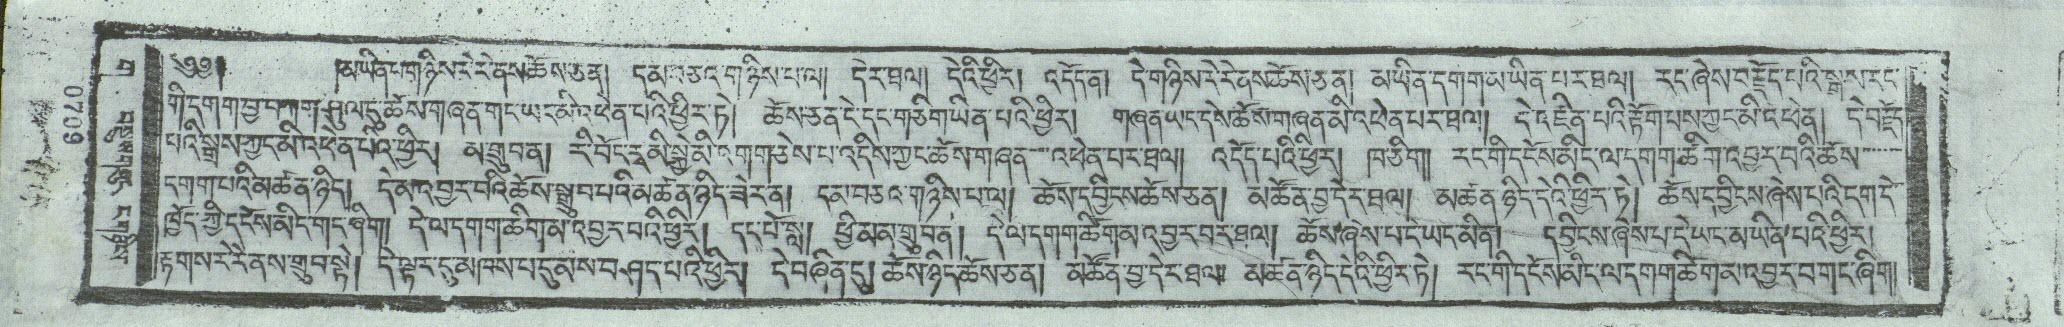༄༅། །མ་ཡིན་པ་གཉིས་རེ་རེ་ནས་ཆོས་ཅན། དམ་བཅའ་གཉིས་པ་ལ། དེར་ཐལ། དེའི་ཕྱིར། འདོད་ན། དེ་གཉིས་རེ་རེ་ནས་ཆོས་ཅན། མ་ཡིན་དགག་མ་ཡིན་པར་ཐལ། རང་ཞེས་བརྗོད་པའི་སྤྲས་དང་
གི་དགག་བྱ་བཀག་ཤུལ་དུ་ཆོས་གཞན་གང་ཡང་མི་འཕེན་པའི་ཕྱིར་ཏེ། ཆོས་ཅན་དེ་དང་གཅིག་ཡིན་པའི་ཕྱིར། གཞན་ཡང་དེས་ཆོས་གཞན་མི་འཕེན་པར་ཐལ། དེ་འཛིན་པའི་རྟོག་པས་ཀྱང་མི་འཕེན། དེ་བརྗོད་
པའི་སྒྲས་ཀྱང་མི་འཕེན་པའི་ཕྱིར། མ་གྲུབ་ན། རི་བོང་རྭ་མི་སྐྱེ་མི་འགག་ཅེས་པ་འདིས་ཀྱང་ཆོས་གཞན་འཕེན་པར་ཐལ། འདོད་པའི་ཕྱིར། ཁ་ཅིག། རང་གི་དངོས་མིང་ལ་དགག་ཚིག་འབྱར་བའི་ཆོས་
དགག་པའི་མཚན་ཉིད། དེ་མ་འབྱར་བའི་ཆོས་སྒྲུབ་པའི་མཚན་ཉིད་ཟེར་ན། དམ་བཅའ་གཉིས་པ་ལ། ཆོས་དབྱིངས་ཆོས་ཅན། མཚོན་བྱ་དེར་ཐལ། མཚན་ཉིད་དེའི་ཕྱིར་ཏེ། ཆོས་དབྱིངས་ཞེས་པའི་དག་དེ་
ཁྱོད་ཀྱི་དངོས་མིང་གང་ཞིག། དེ་ལ་དགག་ཚིག་མ་འབྱར་བའི་ཕྱིར། དང་པོ་སླ། ཕྱི་མ་མ་གྲུབ་ན། དེ་ལ་དགག་ཚིག་མ་འབྱར་བར་ཐལ། ཆོས་ཞེས་པ་དེ་ཡང་མིན། དབྱིངས་ཞེས་པ་དེ་ཡང་མ་ཡིན་པའི་ཕྱིར།
རྟགས་རེ་རེ་ནས་གྲུབ་སྟེ། དེ་ལྟར་དུ་མཁས་པ་དུ་མས་བཤད་པའི་ཕྱིར། དེ་བཞིན་དུ། ཆོས་ཉིད་ཆོས་ཅན། མཚོན་བྱ་དེར་ཐལ། མཚན་ཉིད་དེའི་ཕྱིར་ཏེ། རང་གི་དངོས་མིང་ལ་དགག་ཚིག་མ་འབྱར་བ་གང་ཞིག།